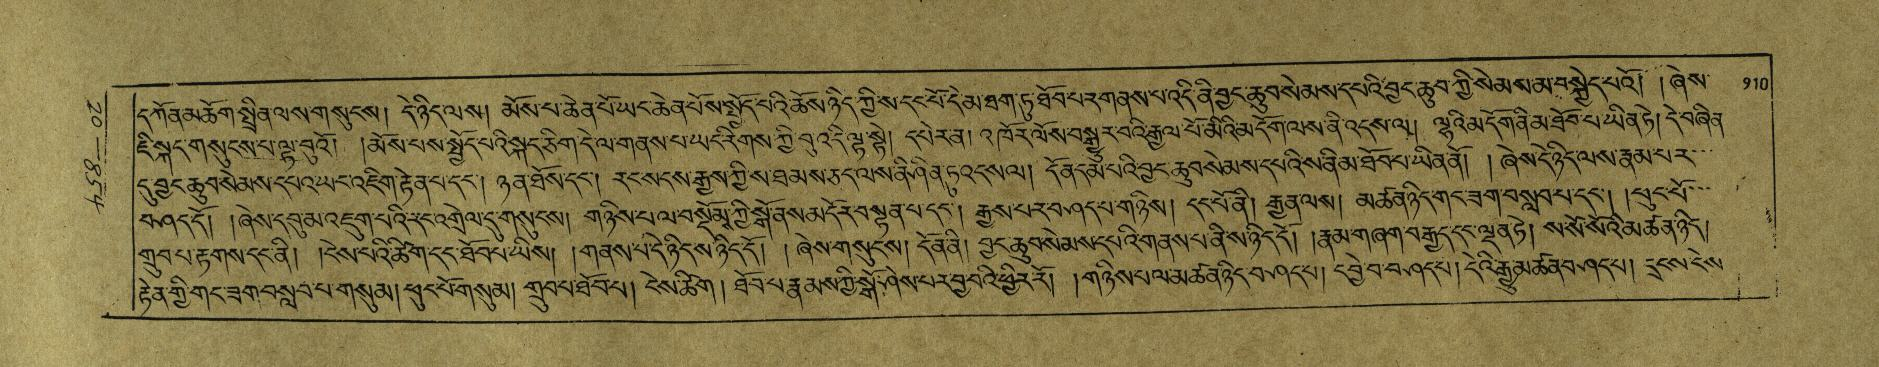དཀོན་མཆོག་སྤྲིན་ལས་གསུངས། དེ་ཉིད་ལས། མོས་པ་ཆེན་པོ་ཡང་ཆེན་པོས་སྤྱོད་པའི་ཆོས་ཉིད་ཀྱི་ས་དང་པོ་དེ་མ་ཐག་ཏུ་ཐོབ་པར་གནས་པ་འདི་ནི་བྱང་ཆུབ་སེམས་དཔའི་བྱང་ཆུབ་ཀྱི་སེམས་མ་བསྐྱེད་པའོ། །ཞེས་
ཇི་སྐད་གསུངས་པ་ལྟ་བུའོ། །མོས་པས་སྤྱོད་པའི་སྐད་ཅིག་དེ་ལ་གནས་པ་ཡང་རིགས་ཀྱི་བུ་འདི་ལྟ་སྟེ། དཔེར་ན། འཁོར་ལོས་བསྒྱུར་བའི་རྒྱལ་པོ་མིའི་མདོག་ལས་ནི་འདས་ལ། ལྷའི་མདོག་ནི་མ་ཐོབ་པ་ཡིན་ཏེ། དེ་བཞིན་
དུ་བྱང་ཆུབ་སེམས་དཔའ་ཡང་འཇིག་རྟེན་པ་དང་། ཉན་ཐོས་དང་། རང་སངས་རྒྱས་ཀྱི་ས་ཐམས་ཅད་ལས་ནི་ཤིན་ཏུ་འདས་ལ། དོན་དམ་པའི་བྱང་ཆུབ་སེམས་དཔའི་ས་ནི་མ་ཐོབ་པ་ཡིན་ནོ། །ཞེས་དེ་ཉིད་ལས་རྣམ་པར་
བཤད་དོ། །ཞེས་དབུ་མ་འཇུག་པའི་རང་འགྲེལ་དུ་གསུངས། གཉིས་པ་ལ་བསྡོམས་ཀྱི་སྒོ་ནས་མདོར་བསྟན་པ་དང་། རྒྱས་པར་བཤད་པ་གཉིས། དང་པོ་ནི། རྒྱན་ལས། མཚན་ཉིད་གང་ཟག་བསླབ་པ་དང་། །ཕུང་པོ་
གྲུབ་པ་རྟགས་དང་ནི། །ངེས་པའི་ཚིག་དང་ཐོབ་པ་ཡིས། །གནས་པ་དེ་ཉིད་ས་ཉིད་དོ། །ཞེས་གསུངས། དོན་ནི། བྱང་ཆུབ་སེམས་དཔའི་གནས་པ་ནི་ས་ཉིད་དོ། །རྣམ་གཞག་བརྒྱད་དང་ལྡན་ཏེ། ས་སོ་སོའི་མཚན་ཉིད།
རྟེན་གྱི་གང་ཟག་བསླབ་པ་གསུམ། ཕུང་པོ་གསུམ། གྲུབ་པ་ཐོབ་པ། ངེས་ཚིག། ཐོབ་པ་རྣམས་ཀྱི་སྒོ་ཤེས་པར་བྱ་བའི་ཕྱིར་རོ། །གཉིས་པ་ལ་མཚན་ཉིད་བཤད་པ། དབྱེ་བ་བཤད་པ། དེའི་རྒྱུ་མཚན་བཤད་པ། དྲངས་ངེས་